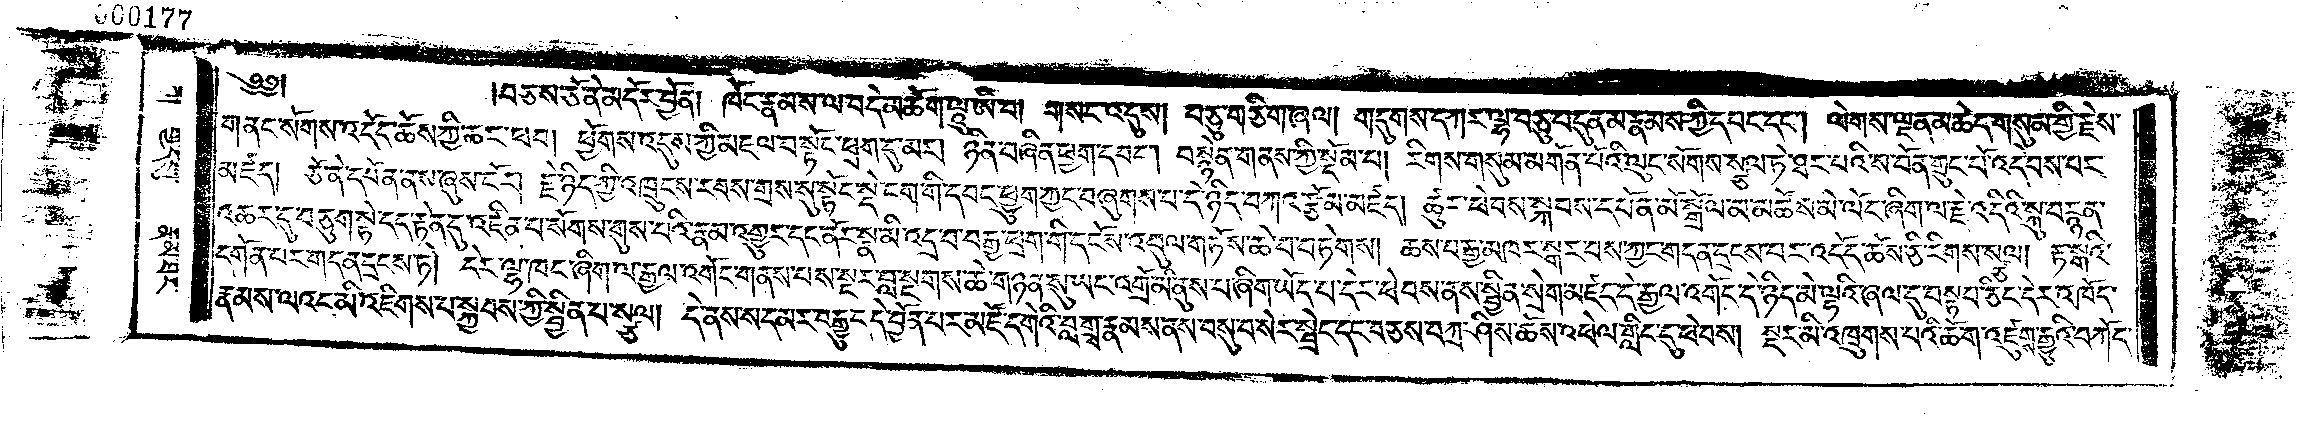༄༅། །བཅས་ཅོ་ནེ་མདོར་བྱོན། ཁོང་རྣམས་ལ་བདེ་མཆོག་ལཱུ་ཨི་བ། གསང་འདུས། བཅུ་གཅིག་ཞལ། གདུགས་དཀར་ལྷ་བཅུ་བདུན་མ་རྣམས་ཀྱི་དབང་དང་། ལེགས་ལྔན་མཆེད་གསུམ་གྱི་རྗེས་
གནང་སོགས་འདོད་ཆོས་ཀྱི་ཆར་ཕབ། ཕྱོགས་འདུས་ཀྱི་མཇལ་བ་སྟོང་ཕྲག་དུ་མར། ཉིན་བཞིན་ཕྱག་དབང་། བསྙེན་གནས་ཀྱི་སྡོམ་པ། རིགས་གསུམ་མགོན་པོའི་ལུང་སོགས་སྩལ་ཏེ་ཐར་པའི་ས་བོན་གྲུང་པོ་འདེབས་པར་
མཛད། ཅོ་ནེ་དཔོན་ནས་ཞུས་ངོར། རྗེ་ཉིད་ཀྱི་འཁྲུངས་རབས་གྲས་སུ་སྟོང་སྡེ་ངག་གི་དབང་ཕྱུག་ཀྱང་བཞུགས་པ་དེ་ཉིད་བཀའ་རྩོམ་མཛད། ཚུར་ཕེབས་སྐབས་དཔོན་མོ་སྒྲོལ་མ་མཚོས་མེ་ལོང་ཞིག་ལ་རྗེ་འདིའི་སྐུ་བརྙན་
འཆར་དུ་བཅུག་སྟེ་དད་རྟེན་དུ་འཛིན་པ་སོགས་གུས་པའི་རྣམ་འགྱུར་དང་ནོར་སྣ་མི་འདྲ་བ་བརྒྱ་ཕྲག་གི་དངོས་འབུལ་གཏོས་ཆེ་བ་བཏེགས། ཆས་པ་རྒྱ་མཁར་སྒར་བས་ཀྱང་གདན་དྲངས་པར་འདོད་ཆོས་ཅི་རིགས་སྩལ། རྟ་སྒའི་
དགོན་པར་གདན་དྲངས་ཏེ། དེར་ལྷ་ཁང་ཞིག་ལ་རྒྱལ་འགོང་གནས་པས་སྔར་བླ་སྔགས་ཆེ་གཉན་སུ་ཡང་འགྲོ་མི་ནུས་པ་ཞིག་ཡོད་པ་དེར་ཕེབས་ནས་སྦྱིན་སྲེག་མཛད་དེ་རྒྱལ་འགོང་དེ་ཉིད་མེ་ལྷའི་ཞལ་དུ་བསྟབ་ཅིང་དེར་འཁོད་
རྣམས་ལའང་མི་འཇིགས་པ་སྐྱབས་ཀྱི་སྦྱིན་པ་སྩལ། དེ་ནས་ས་དམར་བརྒྱུད་དེ་བྱོན་པར་མཛོ་དགེའི་བླ་གྲྭ་རྣམས་ནས་བསུ་བ་སེར་སྦྲེང་དང་བཅས་བཀྲ་ཤིས་ཆོས་འཕེལ་གླིང་དུ་ཕེབས། སྔར་མི་འཁྲུགས་པའི་ཆོ་ག་འཛུགས་རྒྱུའི་བཀོད་